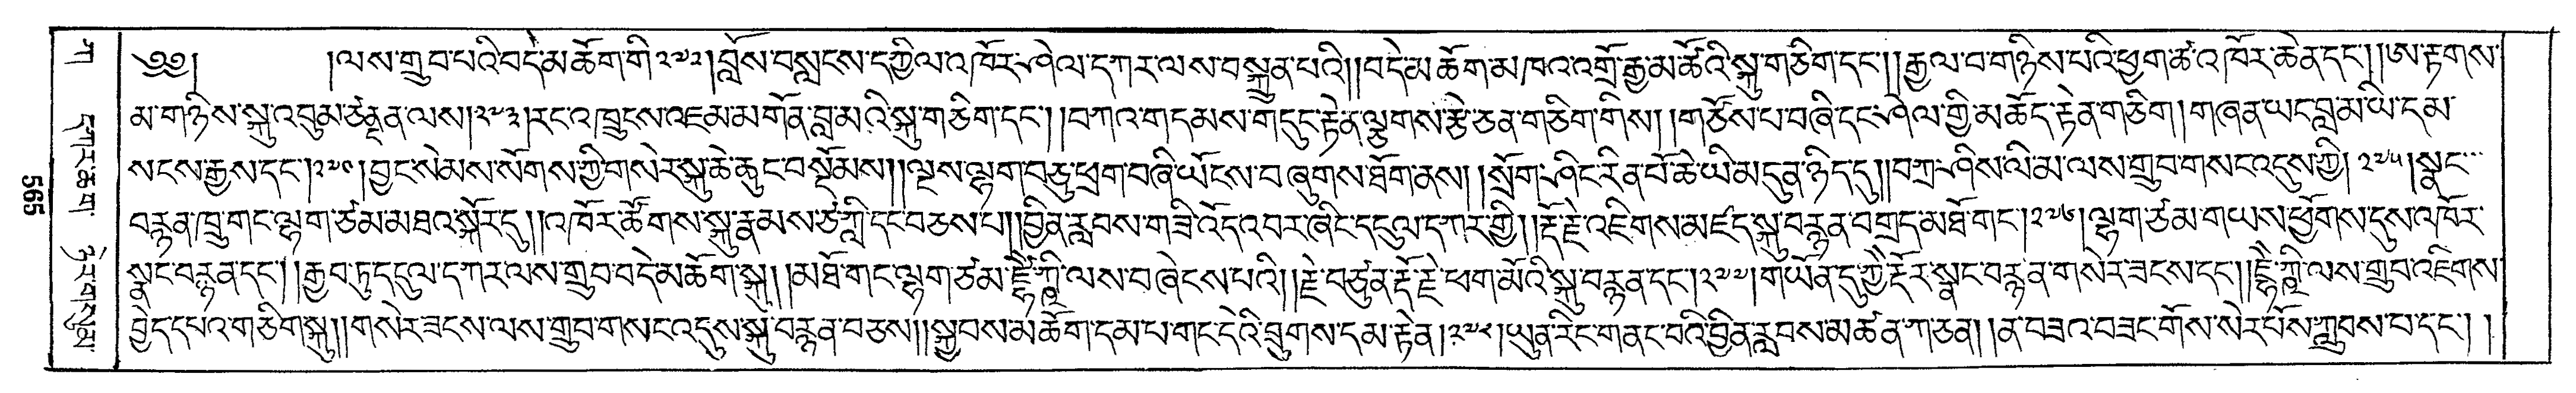༄༅། །ལས་གྲུབ་པའི་བདེ་མཆོག་གི ༢༧༢་།བློས་བསླངས་དཀྱིལ་འཁོར་ཤེལ་དཀར་ལས་བསྐྲུན་པའི། །བདེ་མཆོག་མཁའ་འགྲོ་རྒྱ་མཚོའི་སྐུ་གཅིག་དང་། །རྒྱལ་བ་གཉིས་པའི་ཕྱག་ཚ་འཁོར་ཆེན་དང་། །ཨ་རྟགས་
མ་གཉིས་སྐུ་འབུམ་ཙནྡན་ལས། ༢༧༣་།རང་འཁྲུངས་འཇམ་མགོན་བླ་མའི་སྐུ་གཅིག་དང་། །བཀའ་གདམས་གདུང་རྟེན་ལྕགས་རྩེ་ཅན་གཅིག་གིས། །གཙོས་པ་བཞི་དང་ཤེལ་གྱི་མཆོད་རྟེན་གཅིག །གཞན་ཡང་བླ་མ་ཡི་དམ་
སངས་རྒྱས་དང་། ༢༧༤་།བྱང་སེམས་སོགས་ཀྱི་གསེར་སྐུ་ཆེ་ཆུང་བསྡོམས། །ལྔས་ལྷག་བཅུ་ཕྲག་བཞི་ལོངས་བཞུགས་ཐོག་ནས། །སྲོག་ཤིང་རིན་པོ་ཆེ་ཡི་མདུན་ཉིད་དུ། །བཀྲ་ཤིས་ལི་མ་ལས་གྲུབ་གསང་འདུས་ཀྱི། ༢༧༥་།སྣང་
བརྙན་ཁྲུ་གང་ལྷག་ཙམ་མཐའ་སྐོར་དུ། །འཁོར་ཚོགས་སྐུ་རྣམས་ཙ་ཀླི་དང་བཅས་པ། །བྱིན་རླབས་གཟི་འོད་འབར་ཞིང་དངུལ་དཀར་གྱི། །རྡོ་རྗེ་འཇིགས་མཛད་སྐུ་བརྙན་བགྲད་མཐོ་གང་། ༢༧༦་།ལྷག་ཙམ་གཡས་ཕྱོགས་དུས་འཁོར་
སྣང་བརྙན་དང་། །རྒྱབ་ཏུ་དངུལ་དཀར་ལས་གྲུབ་བདེ་མཆོག་སྐུ། །མཐོ་གང་ལྷག་ཙམ་ཛྷཻ་ཀྵིཾ་ལས་བཞེངས་པའི། །རྗེ་བཙུན་རྡོ་རྗེ་ཕག་མོའི་སྐུ་བརྙན་དང་། ༢༧༧། གཡོན་དུ་ཀྱཻ་རྡོར་སྣང་བརྙན་གསེར་ཟངས་དང་། །ཛྷཻ་ཀྵིཾ་ལས་གྲུབ་འཇིགས་
བྱེད་དཔའ་གཅིག་སྐུ། །གསེར་ཟངས་ལས་གྲུབ་གསང་འདུས་སྐུ་བརྙན་བཅས། །སྐྱབས་མཆོག་དམ་པ་གང་དེའི་ཐུགས་དམ་རྟེན། ༢༧༨་།ཡུན་རིང་གནང་བའི་བྱིན་རླབས་མཚན་ཀ་ཅན། །ན་བཟའ་བཟང་གོས་སེར་པོས་ཀླུབས་པ་དང་། །